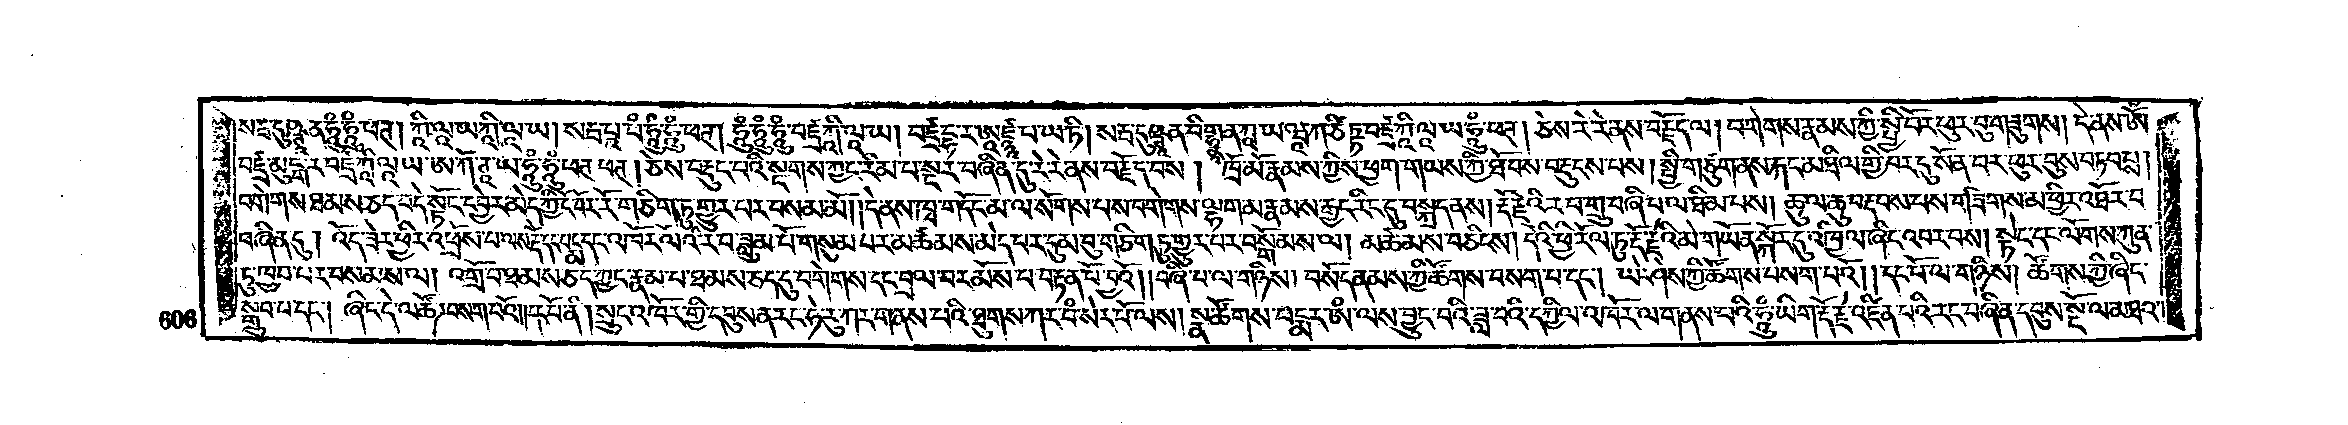སརྦ་དུཥྚཱ་ན་ཧཱུཾ་ཧཱུཾ་ཕཊ། ཀཱི་ལཱ་ཡ་ཀཱི་ལཱ་ཡ། སརྦ་པཱ་པཾ་ཧཱུཾ་ཧཱུཾ་ཕཊ། ཧཱུཾ་ཧཱུཾ་ཧཱུཾ་བཛྲ་ཀཱི་ལཱ་ཡ། བཛྲ་དྷ་ར་ཨཱཛྙཱ་པ་ཡ་ཏི། སརྦ་དུཥྚཱ་ན་བིགྷྣཱན་ཀཱ་ཡ་ཝཱ་ཀ་ཙིཏྟ་བཛྲ་ཀཱི་ལཱ་ཡ་ཧཱུཾ་ཕཊ། ཅེས་རེ་རེ་ནས་བརྗོད་ལ། བགེགས་རྣམས་ཀྱི་སྤྱི་བོར་ཕུར་བུ་གཟུགས། དེ་ནས་ཨོཾ་
བཛྲ་མུངྒ་ར་བཛྲ་ཀཱི་ལཱ་ཡ་ཨ་ཀོ་ཊཱ་ཡ་ཧཱུཾ་ཧཱུཾ་ཕཊ་ཕཊ། ཅེས་བརྡུང་པའི་སྔགས་ཀྱང་རིམ་པ་སྔར་བཞིན་དུ་རེ་རེ་ནས་བརྗོད་པས། ཁྲོ་མོ་རྣམས་ཀྱིས་ཕྱག་གཡས་ཀྱི་ཐོ་བས་བརྡུངས་པས། སྤྱི་གཙུག་ནས་རྐང་མཐིལ་གྱི་བར་དུ་སོན་བར་ཕུར་བུས་བཏབ་པས།
བགེགས་ཐམས་ཅད་བདེ་སྟོང་དབྱེར་མེད་ཀྱི་ངོ་བོར་རོ་གཅིག་ཏུ་གྱུར་པར་བསམ་མོ། །དེ་ནས་ཁྭ་གདོང་མ་ལ་སོགས་པས་བགེགས་ལྷག་མ་རྣམས་རྒྱང་རིང་དུ་བསྐྲད་ནས། རྡོ་རྗེའི་ར་བ་གྲུ་བཞི་པ་ལ་ཐིམ་པས། ཆུ་ལ་ཆུ་བརྡབས་པས་གཟེགས་མ་ཕྱིར་འཐོར་བ་
བཞིན་དུ། འོད་ཟེར་ཕྱིར་འཕྲོས་པ་ལས་རྡོ་དང་པདམ་དང་འཁོར་ལོའི་ར་བ་ཟླུམ་པོ་གསུམ་པར་མཚམས་མེད་པར་དུམ་བུ་གཅིག་ཏུ་གྱུར་པར་བསྒོམས་ལ། མཚམས་བཅིངས། དེའི་ཕྱི་རོལ་ཏུ་རྡོ་རྗེའི་མེ་གཡོན་སྐོར་དུ་འཁྱིལ་ཞིང་འབར་བས། སྟེང་དང་ལོགས་ཀུན་
ཏུ་ཁྱབ་པར་བསམས་ལ། འགྲོ་བ་ཐམས་ཅད་ཀྱང་རྣམ་པ་ཐམས་ཅད་དུ་བགེགས་དང་བྲལ་བར་མོས་པ་བརྟན་པོ་བྱའོ། །བཞི་པ་ལ་གཉིས། བསོད་ནམས་ཀྱི་ཚོགས་བསག་པ་དང་། ཡེ་ཤེས་ཀྱི་ཚོགས་བསག་པའོ། །དང་པོ་ལ་གཉིས། ཚོགས་ཀྱི་ཞིང་
སྒྲུབ་པ་དང་། ཞིང་དེ་ལ་ཚོགས་བསག་པའོ། །དང་པོ་ནི། སྲུང་འཁོར་གྱི་དབུས་ན་རང་ཧེ་རུ་ཀར་གནས་པའི་ཐུགས་ཀར་པཾ་སེར་པོ་ལས། སྣ་ཚོགས་པདམར་ཨཾ་ལས་བྱུང་བའི་ཟླ་བའི་དཀྱིལ་འཁོར་ལ་གནས་པའི་ཧཱུཾ་ཡིག་རྡོ་རྗེ་འཛིན་པའི་རང་བཞིན་དབུས་སྔོ་ལ་མཐའ་